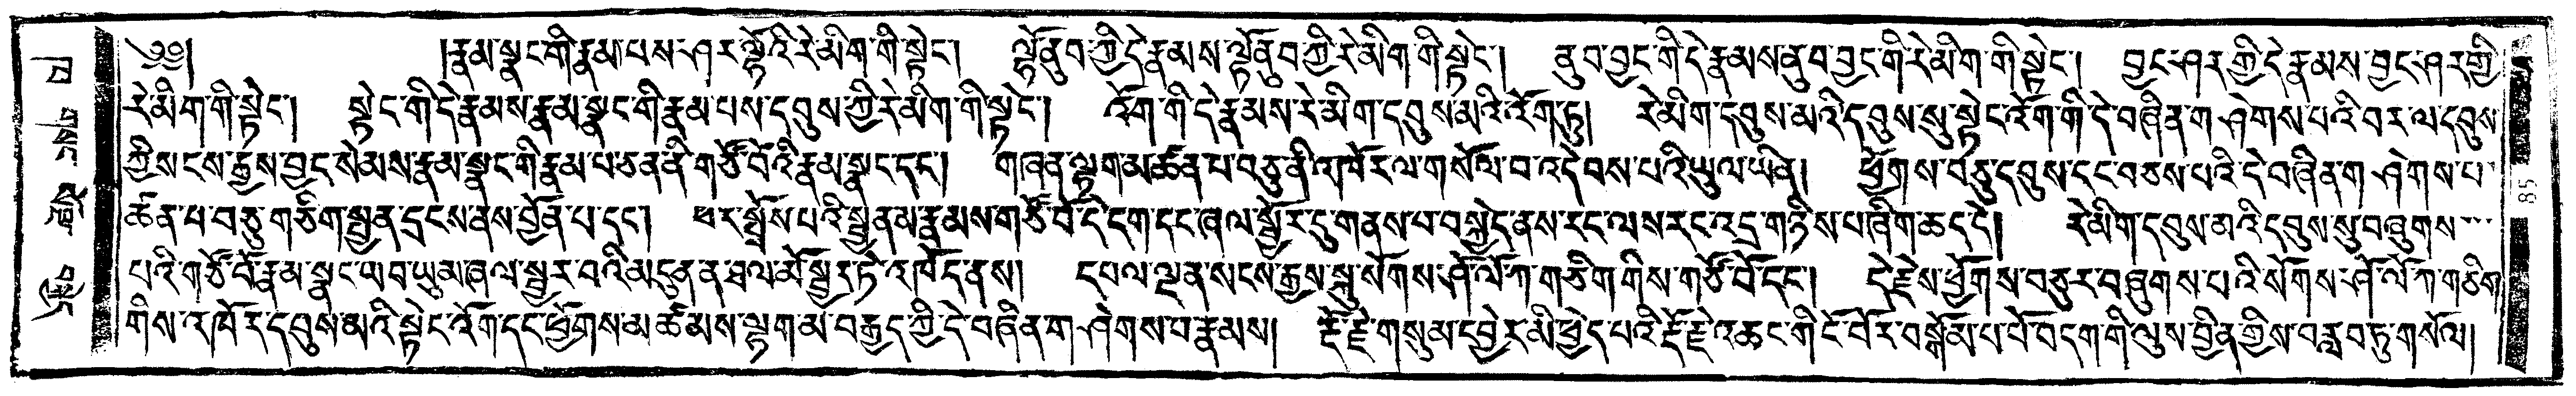༄༅། །རྣམ་སྣང་གི་རྣམ་པས་ཤར་ལྷོའི་རེ་མིག་གི་སྟེང་། ལྷོ་ནུབ་ཀྱི་དེ་རྣམས་ལྷོ་ནུབ་ཀྱི་རེ་མིག་གི་སྟེང་། ནུབ་བྱང་གི་དེ་རྣམས་ནུབ་བྱང་གི་རེ་མིག་གི་སྟེང་། བྱང་ཤར་གྱི་དེ་རྣམས་བྱང་ཤར་གྱི་
རེ་མིག་གི་སྟེང་། སྟེང་གི་དེ་རྣམས་རྣམ་སྣང་གི་རྣམ་པས་དབུས་ཀྱི་རེ་མིག་གི་སྟེང་། འོག་གི་དེ་རྣམས་རེ་མིག་དབུས་མའི་འོག་ཏུ། རེ་མིག་དབུས་མའི་དབུས་སུ་སྟེང་འོག་གི་དེ་བཞིན་གཤེགས་པའི་བར་ལ་དབུས་
ཀྱི་སངས་རྒྱས་བྱང་སེམས་རྣམ་སྣང་གི་རྣམ་པ་ཅན་ནི་གཙོ་བོའི་རྣམ་སྣང་དང་། གཞན་ལྷག་མཚན་པ་བཅུ་ནི་འཁོར་ལ་གསོལ་བ་འདེབས་པའི་ཡུལ་ཡིན། ཕྱོགས་བཅུ་དབུས་དང་བཅས་པའི་དེ་བཞིན་གཤེགས་པ་
ཚན་པ་བཅུ་གཅིག་སྤྱན་དྲངས་ནས་བྱོན་པ་དང་། ཕར་སྤྲོས་པའི་སྤྱན་མ་རྣམས་གཙོ་བོ་དེ་དག་དང་ཞལ་སྦྱོར་དུ་གནས་པ་བསྐྱེད་ནས་རང་ལས་རང་འདྲ་གཉིས་པ་ཞིག་ཆད་དེ། རེ་མིག་དབུས་མའི་དབུས་སུ་བཞུགས་
པའི་གཙོ་བོ་རྣམ་སྣང་ཡབ་ཡུམ་ཞལ་སྦྱར་བའི་མདུན་ན་ཐལ་མོ་སྦྱར་ཏེ་འཁོད་ནས། དཔལ་ལྡན་སངས་རྒྱས་སྐུ་སོགས་ཤོ་ལོ་ཀ་གཅིག་གིས་གཙོ་བོ་དང་། དེ་རྗེས་ཕྱོགས་བཅུར་བཞུགས་པའི་སོགས་ཤོ་ལོ་ཀ་གཅིག་
གིས་འཁོར་དབུས་མའི་སྟེང་འོག་དང་ཕྱོགས་མཚམས་ལྷག་མ་བརྒྱད་ཀྱི་དེ་བཞིན་གཤེགས་པ་རྣམས། རྡོ་རྗེ་གསུམ་དབྱེར་མི་ཕྱེད་པའི་རྡོ་རྗེ་འཆང་གི་ངོ་བོར་བསྒོམ་པ་པོ་བདག་གི་ལུས་བྱིན་གྱིས་བརླབ་ཏུ་གསོལ།